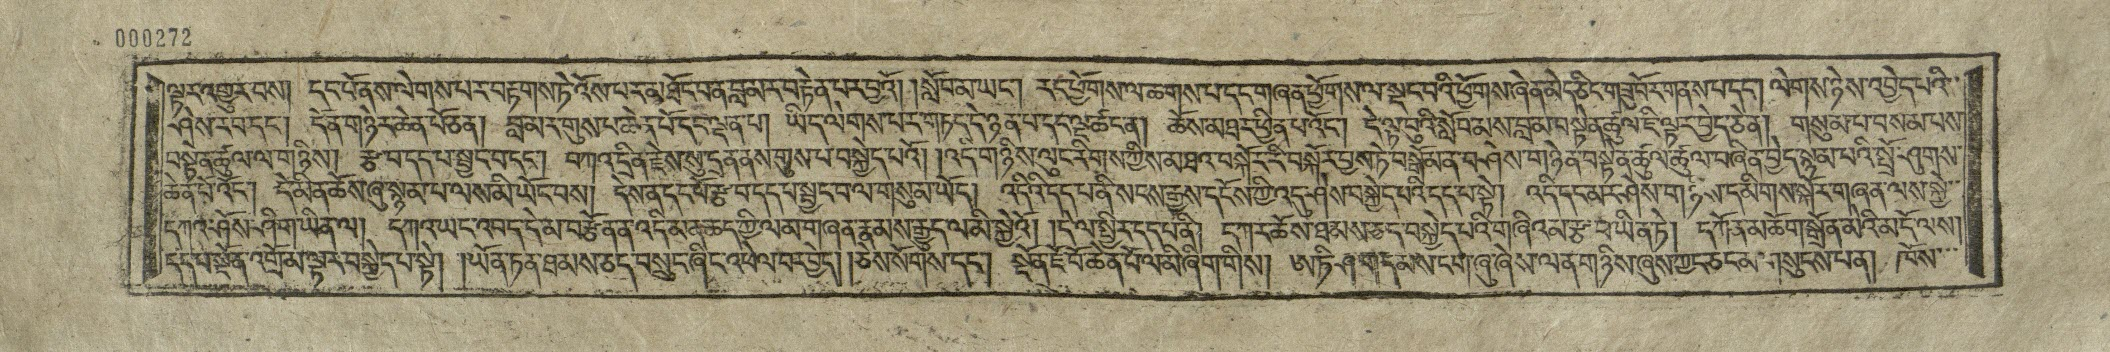ལྟར་འགྱུར་བས། དང་པོ་ནས་ལེགས་པར་བརྟགས་ཏེ་འོས་པར་མཐོང་བ་ན་བླ་མར་བརྟེན་པར་བྱའོ། །སློབ་མ་ཡང་། རང་ཕྱོགས་ལ་ཆགས་པ་དང་གཞན་ཕྱོགས་ལ་སྡང་བའི་ཕྱོགས་ཞེན་མེད་ཅིང་གཟུ་བོར་གནས་པ་དང་། ལེགས་ཉེས་འབྱེད་པའི་
ཤེས་རབ་དང་། དོན་གཉེར་ཆེན་པོ་ཅན། བླ་མར་གུས་པ་ཆེན་པོ་དང་ལྡན་པ། ཡིད་ལེགས་པར་གཏད་དེ་ཉན་པ་དང་ལྔ་ཚང་ན། ཆོས་མཐར་ཕྱིན་པ་འོང་། དེ་ལྟ་བུའི་སློབ་མས་བླ་མ་བསྟེན་ཚུལ་ཇི་ལྟར་བྱེད་ཅེ་ན། གསུམ་པ་བསམ་པས་
བསྟེན་ཚུལ་ལ་གཉིས། རྩ་བ་དད་པ་སྦྱང་བ་དང་། བཀའ་དྲིན་རྗེས་སུ་དྲན་ནས་གུས་པ་བསྐྱེད་པའོ། །འདི་གཉིས་ལུང་རིགས་ཀྱིས་མཐའ་བསྐོར་རི་བསྐོར་བྱས་ཏེ་བསྒྲོམ་ན་བཤེས་གཉེན་བསྟེན་ཚུལ་ཚུལ་བཞིན་བྱེད་སྙམ་པའི་སྤྲོ་ཤུགས་
ཆེན་པོ་འོང་། དེ་མིན་ཆོས་ཞུ་སྙམ་པ་ལས་མི་ཡོང་བས། དེས་ན་དང་པོ་རྩ་བ་དད་པ་སྦྱང་བ་ལ་གསུམ་ཡོད། འདིའི་དད་པ་ནི་སངས་རྒྱས་དངོས་ཀྱི་འདུ་ཤེས་བསྐྱེད་པའི་དད་པ་སྟེ། འདི་དང་མར་ཤེས་གཉིས་དམིགས་སྐོར་གཞན་ལས་སྐྱེ་
དཀའ་ཤོས་ཤིག་ཡིན་ལ། དཀའ་ཡང་འབད་དེ་མ་བརྩོན་ན་འདི་མན་ཆད་ཀྱི་ལམ་གཞན་རྣམས་རྒྱུད་ལ་མི་སྐྱེའོ། །དེ་ལ་སྤྱིར་དད་པ་ནི། དཀར་ཆོས་ཐམས་ཅད་བསྐྱེད་པའི་གཞིའམ་རྩ་བ་ཡིན་ཏེ། དཀོན་མཆོག་སྒྲོན་མེའི་མདོ་ལས།
དད་པ་སྔོན་འགྲོ་མ་ལྟར་བསྐྱེད་པ་སྟེ། །ཡོན་ཏན་ཐམས་ཅད་བསྲུང་ཞིང་འཕེལ་བར་བྱེད། །ཅེས་སོགས་དང་། སྔོན་ཇོ་བོ་ཆེན་པོ་ལ་མི་ཞིག་གིས། ཨ་ཏི་ཤ་གདམས་ངག་ཞུ་ཞེས་ལན་གཉིས་ཞུས་ཀྱང་ཅང་མ་གསུངས་པ་ན། ཁོས་